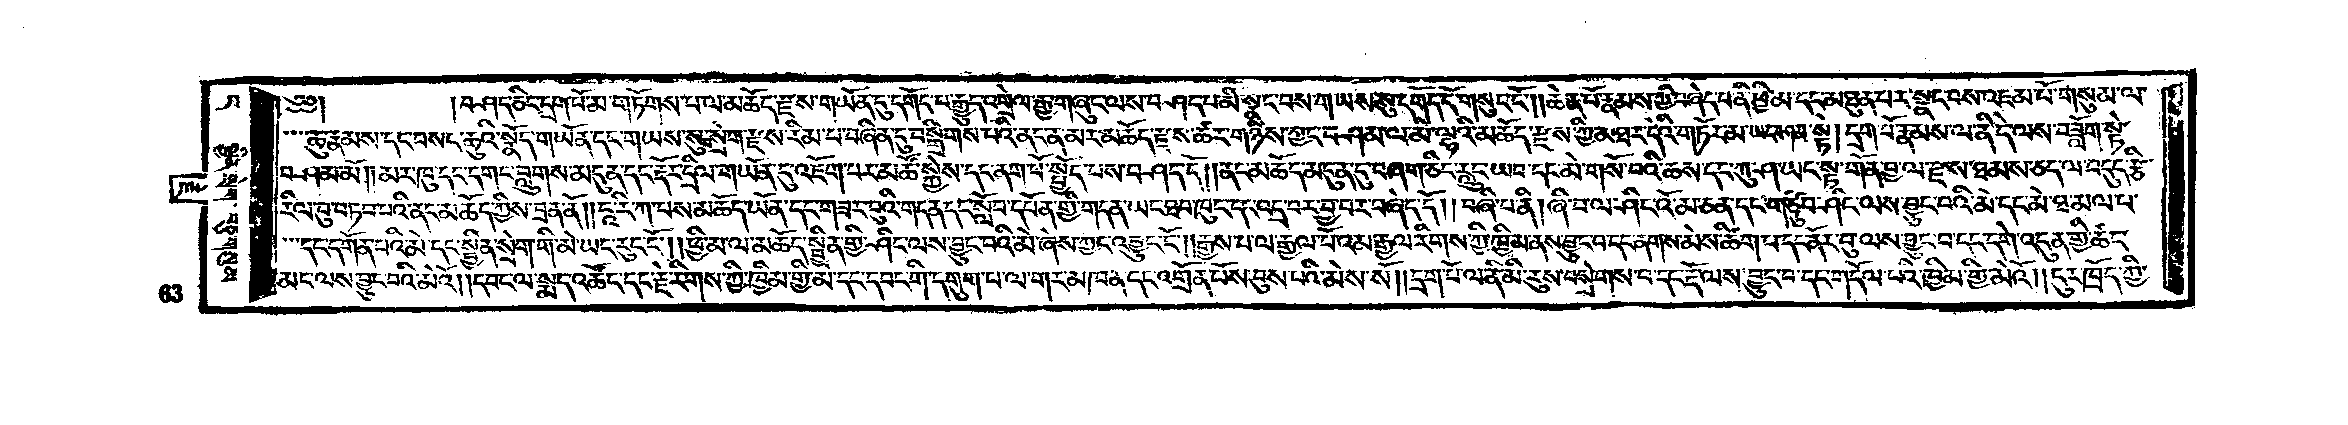༄༅། །བཤད་ཅིང་དྲག་པོ་མ་གཏོགས་པ་ལ་མཆོད་རྫས་གཡོན་དུ་དགོད་པ་རྒྱུད་འགྲེལ་རྒྱ་གཞུང་ལས་བཤད་པ་མི་སྣང་བས་གཡས་སུ་དགོད་དོ་གསུང་ངོ། །ཆེན་པོ་རྣམས་ཀྱི་བཞེད་པ་ནི་ཕྱི་མ་དང་མཐུན་པར་སྣང་བས་འཇམ་པོ་གསུམ་ལ་
ཆུ་རྣམས་དང་བསང་ཆུའི་སྣོད་གཡོན་དང་གཡས་སུ་བསྲེག་རྫས་རིམ་པ་བཞིན་དུ་བསྒྲིགས་པའི་ནང་ན་མར་མཆོད་རྫས་ཚར་གཉིས་ཀྱང་བཤམ་ལ་མི་ལྷའི་མཆོད་རྫས་ཀྱི་མཐར་དེའི་གཏོར་མ་ཡང་བཤམ་སྟེ། དྲག་པོ་རྣམས་ལ་ནི་དེ་ལས་བཟློག་སྟེ་
བཤམ་མོ།།མར་ཁུ་དང་དགང་བླུགས་མདུན་དང་རྡོར་དྲིལ་གཡོན་དུ་འཇོག་པར་མཚོ་སྐྱེས་དང་ནག་པོ་སྤྱོད་པས་བཤད་དོ། །ནང་མཆོད་མདུན་དུ་བཞག་ཅིང་རླུང་ཡབ་དང་མེ་གསོ་བའི་ཆས་དང་ཀུ་ཤ་ཡང་སྟ་གོན་བྱ་ལ་རྫས་ཐམས་ཅད་ལ་བདུད་རྩི་
རིལ་བུ་བཏབ་པའི་ནང་མཆོད་ཀྱིས་བྲན་ནོ། །དཱ་རི་ཀ་པས་མཆོད་ཡོན་དང་གཟར་བུའི་གདན་དང་སློབ་དཔོན་གྱི་གདན་ཡང་ཐབ་ཁུང་དང་འདྲ་བར་བྱ་བར་བཞེད་དོ། །བཞི་པ་ནི། ཞི་པ་ལ་ཤིང་འོ་མ་ཅན་དང་གཙུབ་ཤིང་ལས་བྱུང་བའི་མེ་དང་མེ་ཐ་མལ་པ་
དང་དགོན་པའི་མེ་དང་སྦྱིན་སྲེག་གི་མེ་ཡང་རུང་ངོ། །ཕྱི་མ་ལ་མཆོད་སྦྱིན་གྱི་ཤིང་ལས་བྱུང་བའི་མེ་ཞེས་ཀྱང་འབྱུང་ངོ། །རྒྱས་པ་ལ་རྒྱལ་པོའམ་རྒྱལ་རིགས་ཀྱི་ཁྱིམ་ནས་བྱུང་བ་དང་ནགས་མེས་ཚིག་པ་དང་ནོར་བུ་ལས་བྱུང་བ་དང་དགེ་འདུན་གྱི་ཚང་
མང་ལས་བྱུང་བའི་མེའོ། །དབང་ལ་སྨད་འཚོང་དང་རྗེ་རིགས་ཀྱི་ཁྱིམ་གྱི་མེ་དང་དབང་གི་དགུག་པ་ལ་གར་མཁན་དང་འགྲོན་པོས་བུས་པའི་མེས་སོ། །དྲག་པོ་ལ་ནི་མི་རུས་བསྲེགས་བ་དང་རྡོ་ལས་བྱུང་བ་དང་གདོལ་པའི་ཁྱིམ་གྱི་མེའོ། །དུར་ཁྲོད་ཀྱི་